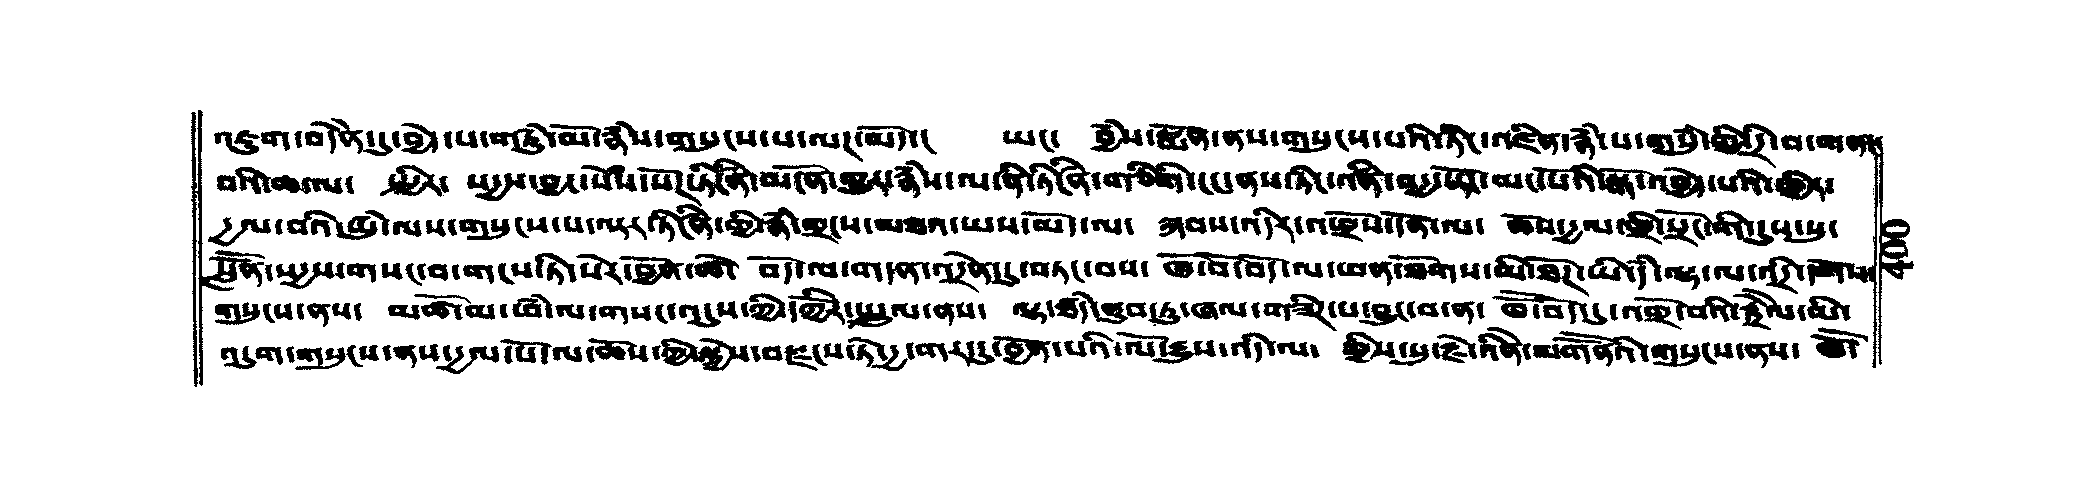འཇུག་བདེ་ཆེན་དུ་བྱེད་པ་གཏུམ་མོ་རྣམས་གསུངས་པ་ལགས་མོད། ཡང་བྱམས་སྨོན་ནས་གསུངས་པའི་ཏིང་འཛིན་རྣམ་པ་གསུམ་གྱི་དྲི་བ་གནང་
བའི་ཆ་ལ། སྤྱིར། སངས་རྒྱས་བྱང་སེམས་སོགས་ཏིང་འཛིན་མངོན་གྱུར་རྣམས་ལ་ནི་ཏིང་འཇིན་གཅིག་གི་ངང་ནས་ཏིང་འཛིན་བརྒྱ་སྟོང་མང་པོའི་སྒོ་འབྱེད་པའི་ཕྱིར་
རྒྱལ་བའི་ཡུམ་ལས་གསུངས་པ་ལྟར་ཏིང་འཛིན་གྱི་རྣམ་གྲངས་མཐའ་ཡས་མོད་ལ། སྐབས་འདིར་འཕྲོས་དོན་ལ། ཆོས་རྒྱལ་ཁྲི་སྲོང་གི་དུས་སུ་
སློབ་དཔོན་སངས་རྒྱས་གསང་བ་གངས་ཏི་སེར་བྱོན་ཚེ། བོད་ལ་གདན་འདྲེན་དུ་བཏང་བས། ཁོ་བོ་བོད་ལ་ཕན་ཐོགས་མི་ཐོགས་ཡི་དམ་ལྷ་ལ་འདྲི་དགོས་
གསུངས་ནས། མཚོ་མ་ཕམ་ལ་གསང་འདུས་ཀྱི་དཀྱིལ་འཁོར་སྤྲུལ་ནས། ལྷ་ཐམས་ཅད་ནུབ་ཏུ་ཞལ་གཟིགས་པ་བྱུང་བ་ན། ཁོ་བོ་བོད་དུ་འགྲོ་བའི་རྟེན་འབྲེལ་མི་
འདུག་གསུངས་ནས་རྒྱལ་པོ་ལ་ཆོས་ཀྱི་སྐྱེས་བརྫངས་ཏེ་རྒྱ་གར་དུ་བྱོན་པའི་ལོ་རྒྱུས་འདི་ལ། ཕྱིས་སུ་རྗེ་འཇིག་རྟེན་མགོན་པོའི་གསུངས་ནས། ཁོ་བོ་